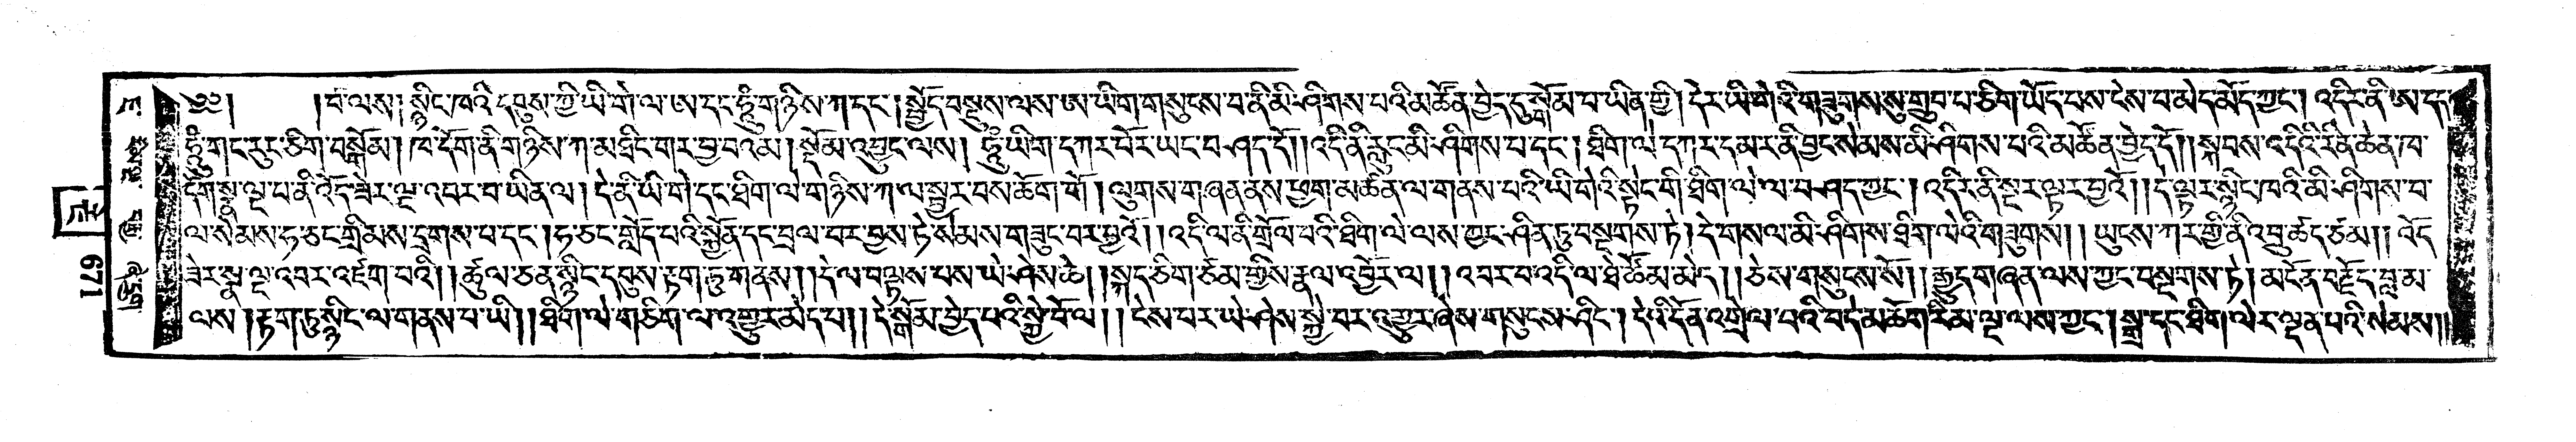༄༅། །བ་ལས། སྙིང་ཁའི་དབུས་ཀྱི་ཡི་གེ་ལ་ཨ་དང་ཧཱུཾ་གཉིས་ཀ་དང་། སྤྱོད་བསྡུས་ལས་ཨ་ཡིག་གསུངས་བ་ནི་མི་ཤིགས་པའི་མཚོན་བྱེད་དུ་སྒོམ་པ་ཡིན་གྱི། དེར་ཡི་གེའི་གཟུགས་སུ་གྲུབ་པ་ཅིག་ཡོད་པས་ངེས་པ་མེད་མོད་ཀྱང་། འདིར་ནི་ཨ་དང་
ཧཱུཾ་གང་རུང་ཅིག་བསྒོམ། ཁ་དོག་ནི་གཉིས་ཀ་མཐིང་གར་བྱ་བའམ། སྡོམ་འབྱུང་ལས། ཧཱུཾ་ཡིག་དཀར་པོར་ཡང་བཤད་དོ། །འདི་ནི་རླུང་མི་ཤིགས་པ་དང་། ཐིག་ལེ་དཀར་དམར་ནི་བྱང་སེམས་མི་ཤིགས་པའི་མཚོན་བྱེད་དོ། །སྐབས་འདིའི་རིན་ཆེན་ཁ་
དོག་སྣ་ལྔ་པ་ནི་འོད་ཟེར་ལྔ་འབར་བ་ཡིན་ལ། དེ་ནི་ཡི་གེ་དང་ཐིག་ལེ་གཉིས་ཀ་ལ་སྦྱར་བས་ཆོག་གོ །ལུགས་གཞན་ནས་ཕྱག་མཚན་ལ་གནས་པའི་ཡི་གེའི་སྟེང་གི་ཐིག་ལེ་ལ་བཤད་ཀྱང་། འདིར་ནི་སྔར་ལྟར་བྱའོ། །དེ་ལྟར་སྙིང་ཁའི་མི་ཤིགས་པ་
ལ་སེམས་ཧ་ཅང་གྲིམས་དྲགས་པ་དང་། ཧ་ཅང་གློད་པའི་སྐྱོན་དང་བྲལ་བར་བྱས་ཏེ་སེམས་གཟུང་བར་བྱའོ། །འདི་ལ་ནི་གྲོལ་བའི་ཐིག་ལེ་ལས་ཀྱང་ཤིན་ཏུ་བསྔགས་ཏེ། དེ་གསལ་མི་ཤིགས་ཐིག་ལེའི་གཟུགས། །ཡུངས་ཀར་གྱི་ནི་འབྲུ་ཚད་ཙམ། །འོད་
ཟེར་སྣ་ལྔ་འབར་འཛག་པའི། །ཚུལ་ཅན་སྙིང་དབུས་རྟག་ཏུ་གནས། །དེ་ལ་བལྟས་པས་ཡེ་ཤེས་ཆེ། །སྐད་ཅིག་ཙམ་གྱིས་རྣལ་འབྱོར་ལ། །འབར་བ་འདི་ལ་ཐེ་ཚོམ་མེད། །ཅེས་གསུངས་སོ། །རྒྱུད་གཞན་ལས་ཀྱང་བསྔགས་ཏེ། མངོན་བརྗོད་བླ་མ་
ལས། རྟག་ཏུ་སྙིང་ལ་གནས་པ་ཡི། །ཐིག་ལེ་གཅིག་ལ་འགྱུར་མེད་པ། །དེ་སྒོམ་བྱེད་པའི་སྐྱེ་བོ་ལ། །ངེས་པར་ཡེ་ཤེས་སྐྱེ་བར་འགྱུར་ཞེས་གསུངས་ཤིང་།དེའི་དོན་འགྲེལ་བའི་བདེ་མཆོག་རིམ་ལྔ་ལས་ཀྱང་། སྒྲ་དང་ཐིག་ལེར་ལྡན་པའི་སེམས། །